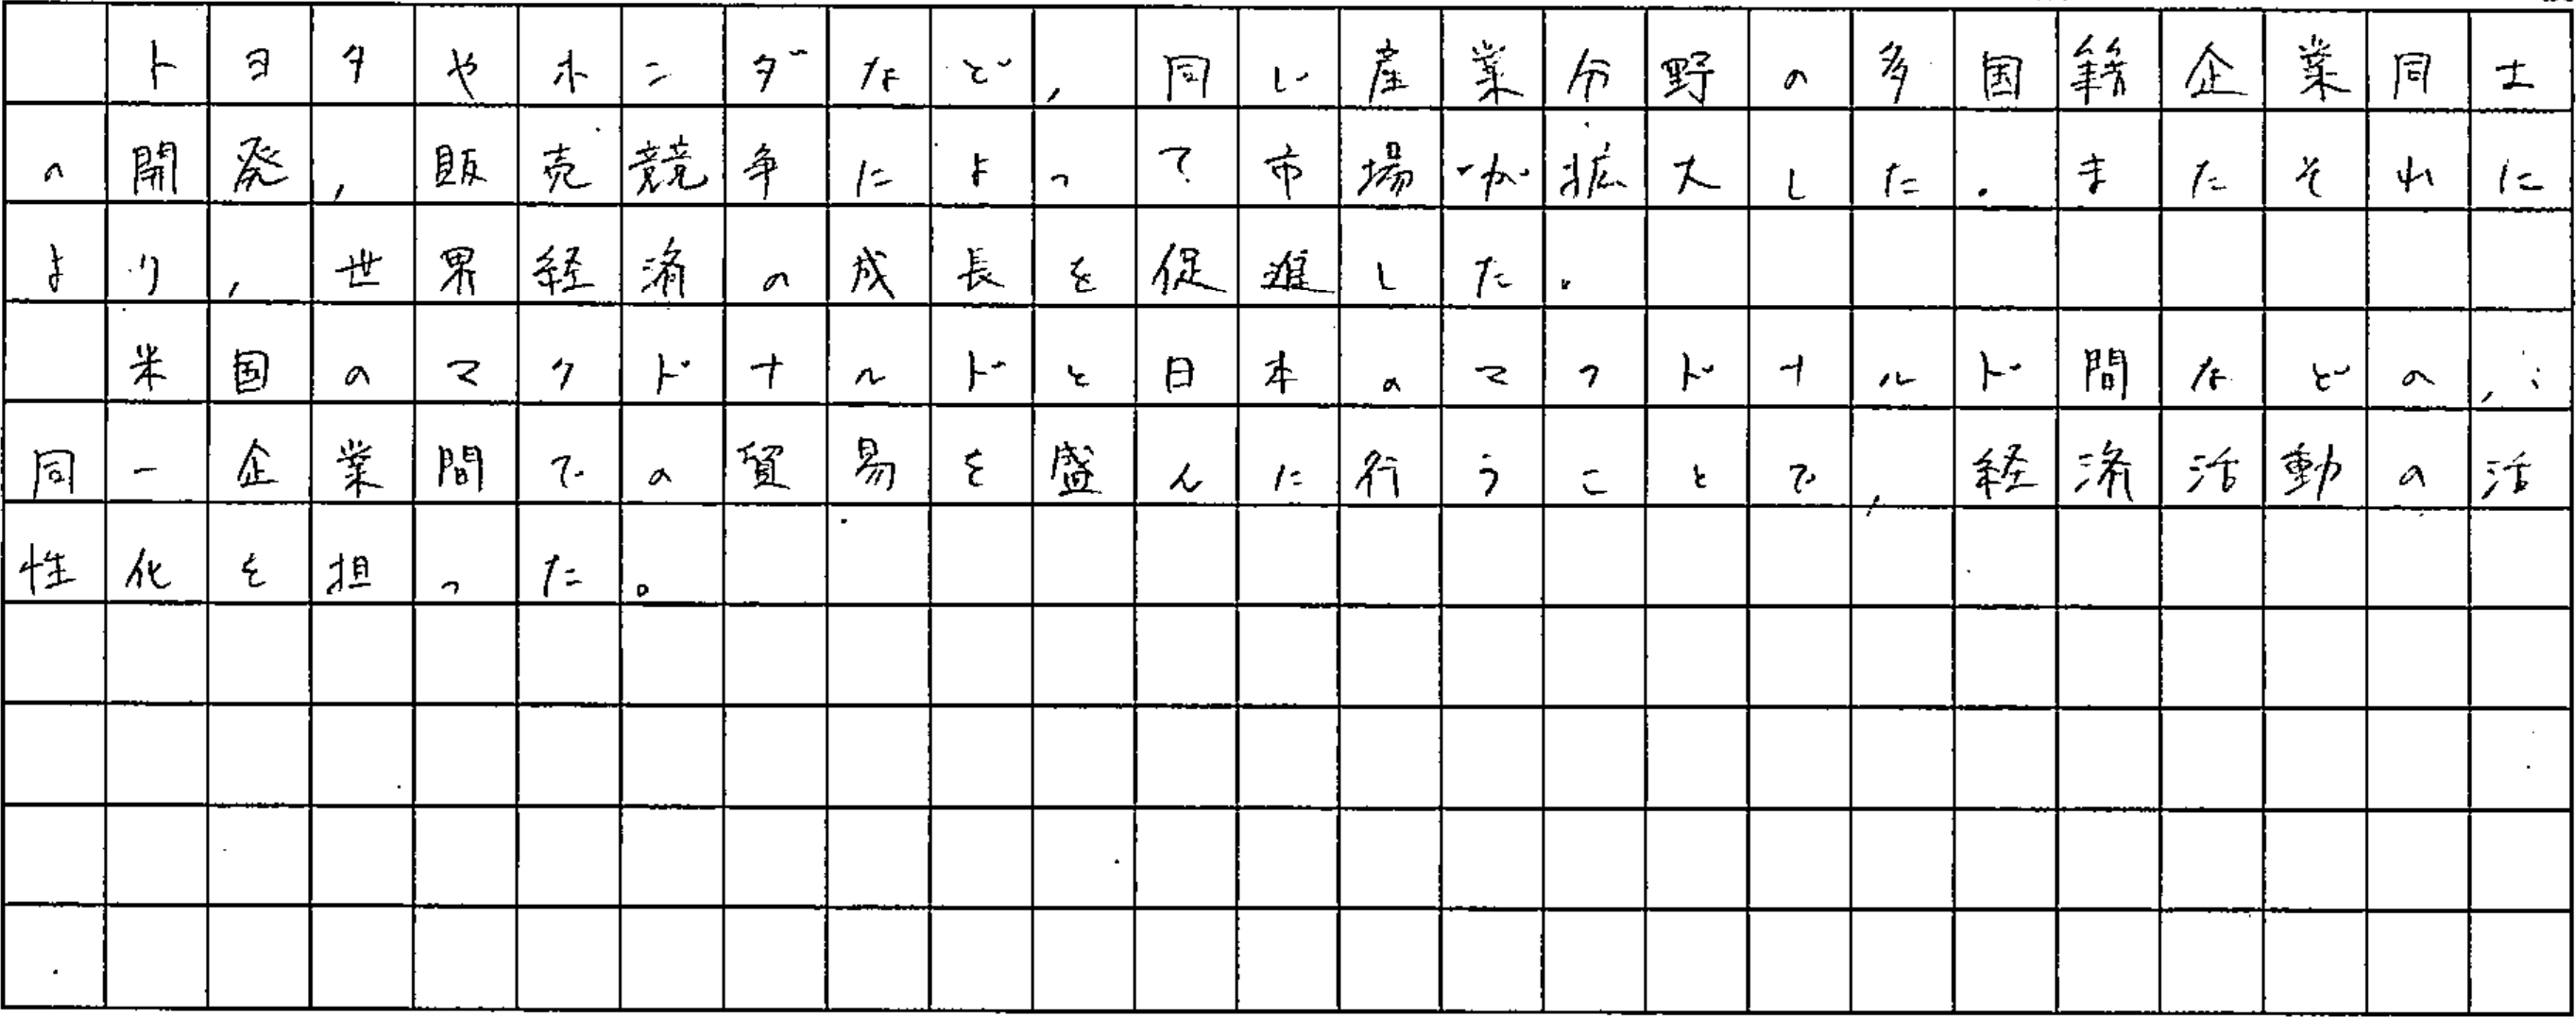　トヨタやホンダなど、同じ産業分野の多国籍企業同士の開発、販売競争によって市場が拡大した。またそれにより、世界経済の成長を促進した。
　米国のマクドナルドと日本のマクドナルド間などの、同一企業間での貿易を盛んに行うことで、経済活動の活性化を担った。
